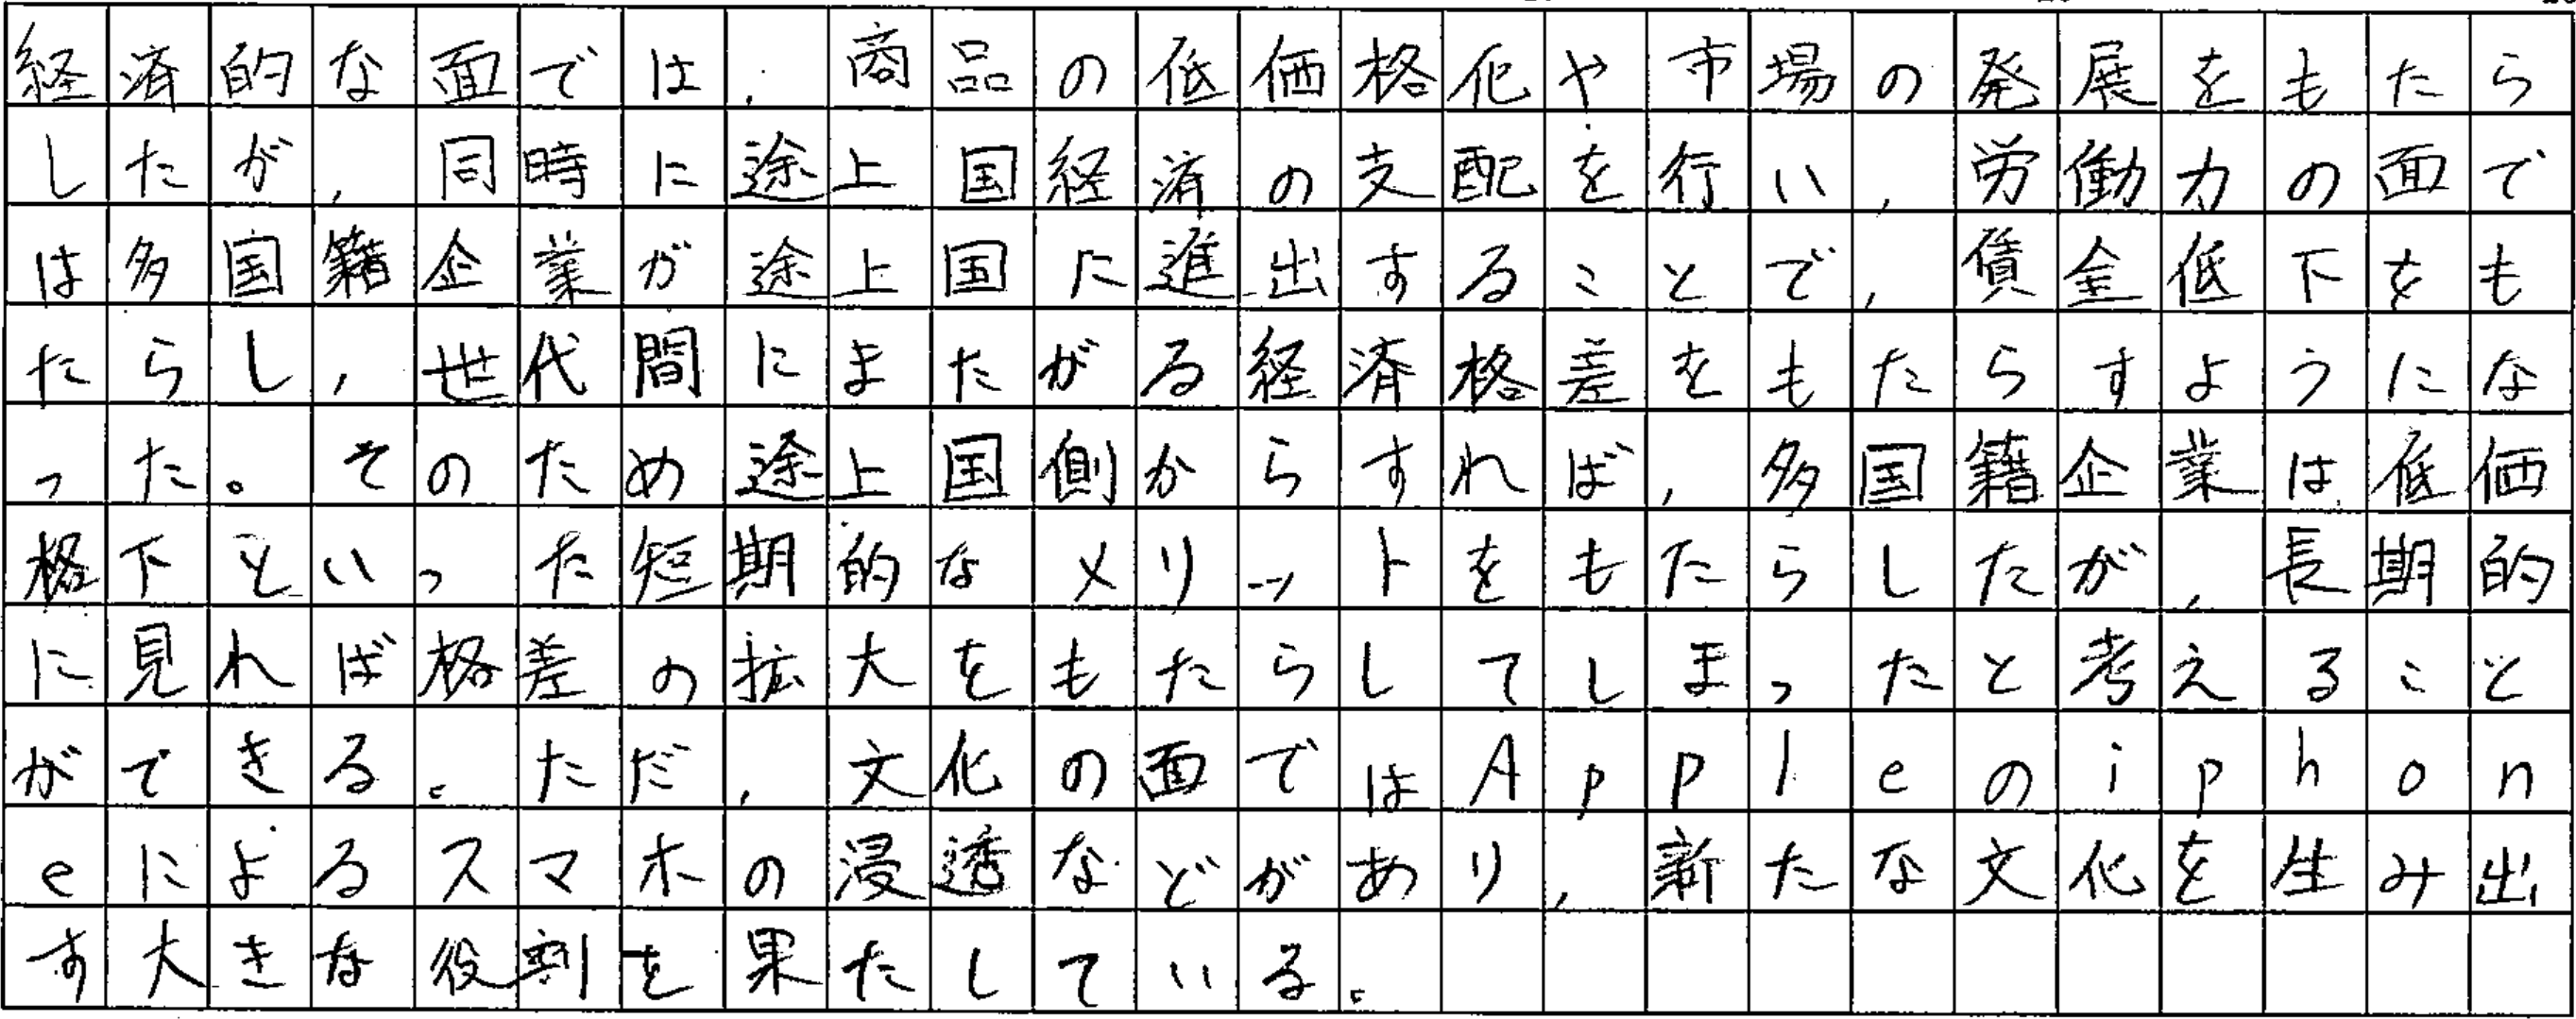経済的な面では、商品の低価格化や市場の発展をもたらしたが、同時に途上国経済の支配を行い、労働力の面では多国籍企業が途上国に進出することで、賃金低下をもたらし、世代間にまたがる経済格差をもたらすようになった。そのため途上国側からすれば、多国籍企業は低価格下といった短期的なメリットをもたらしたが、長期的に見れば格差の拡大をもたらしてしまったと考えることができる。ただ、文化の面ではＡｐｐｌｅのｉｐｈｏｎｅによるスマホの浸透などがあり、新たな文化を生み出す大きな役割を果たしている。
